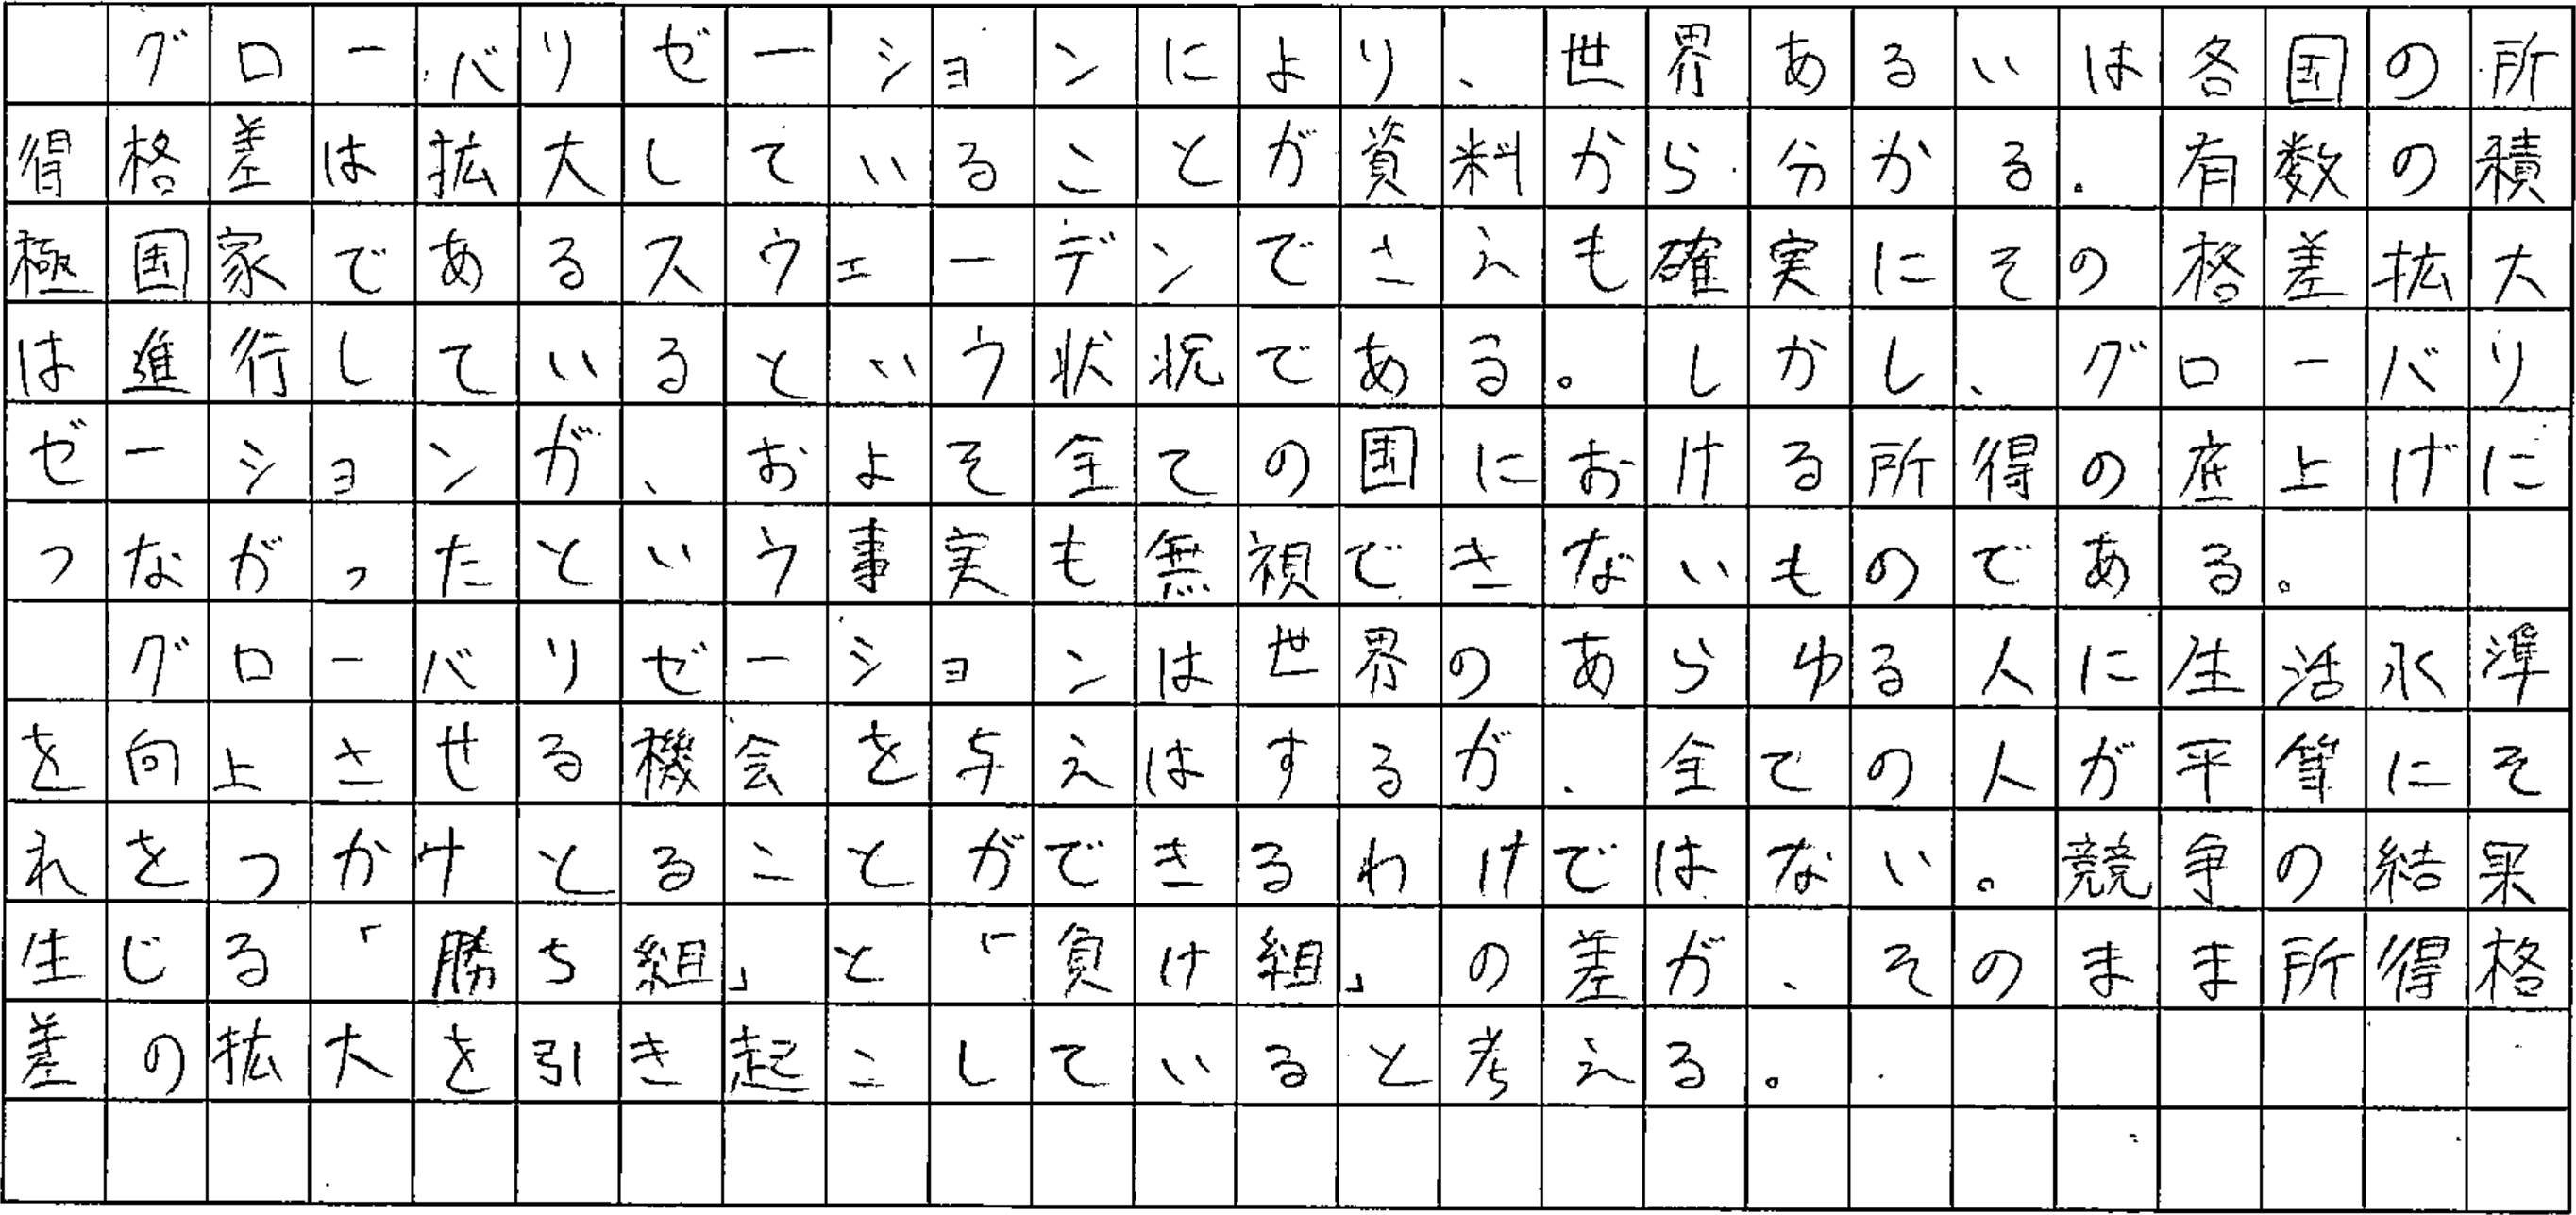　グローバリゼーションにより、世界あるいは各国の所得格差は拡大していることが資料から分かる。有数の積極国家であるスウェーデンでさえも確実にその格差拡大は進行しているという状況である。しかし、グローバリゼーションが、およそ全ての国における所得の底上げにつながったという事実も無視できないものである。
　グローバリゼーションは世界のあらゆる人に生活水準を向上させる機会を与えはするが、全ての人が平等にそれをつかみとることができるわけではない。競争の結果生じる「勝ち組」と「負け組」の差が、そのまま所得格差の拡大を引き起こしていると考える。
